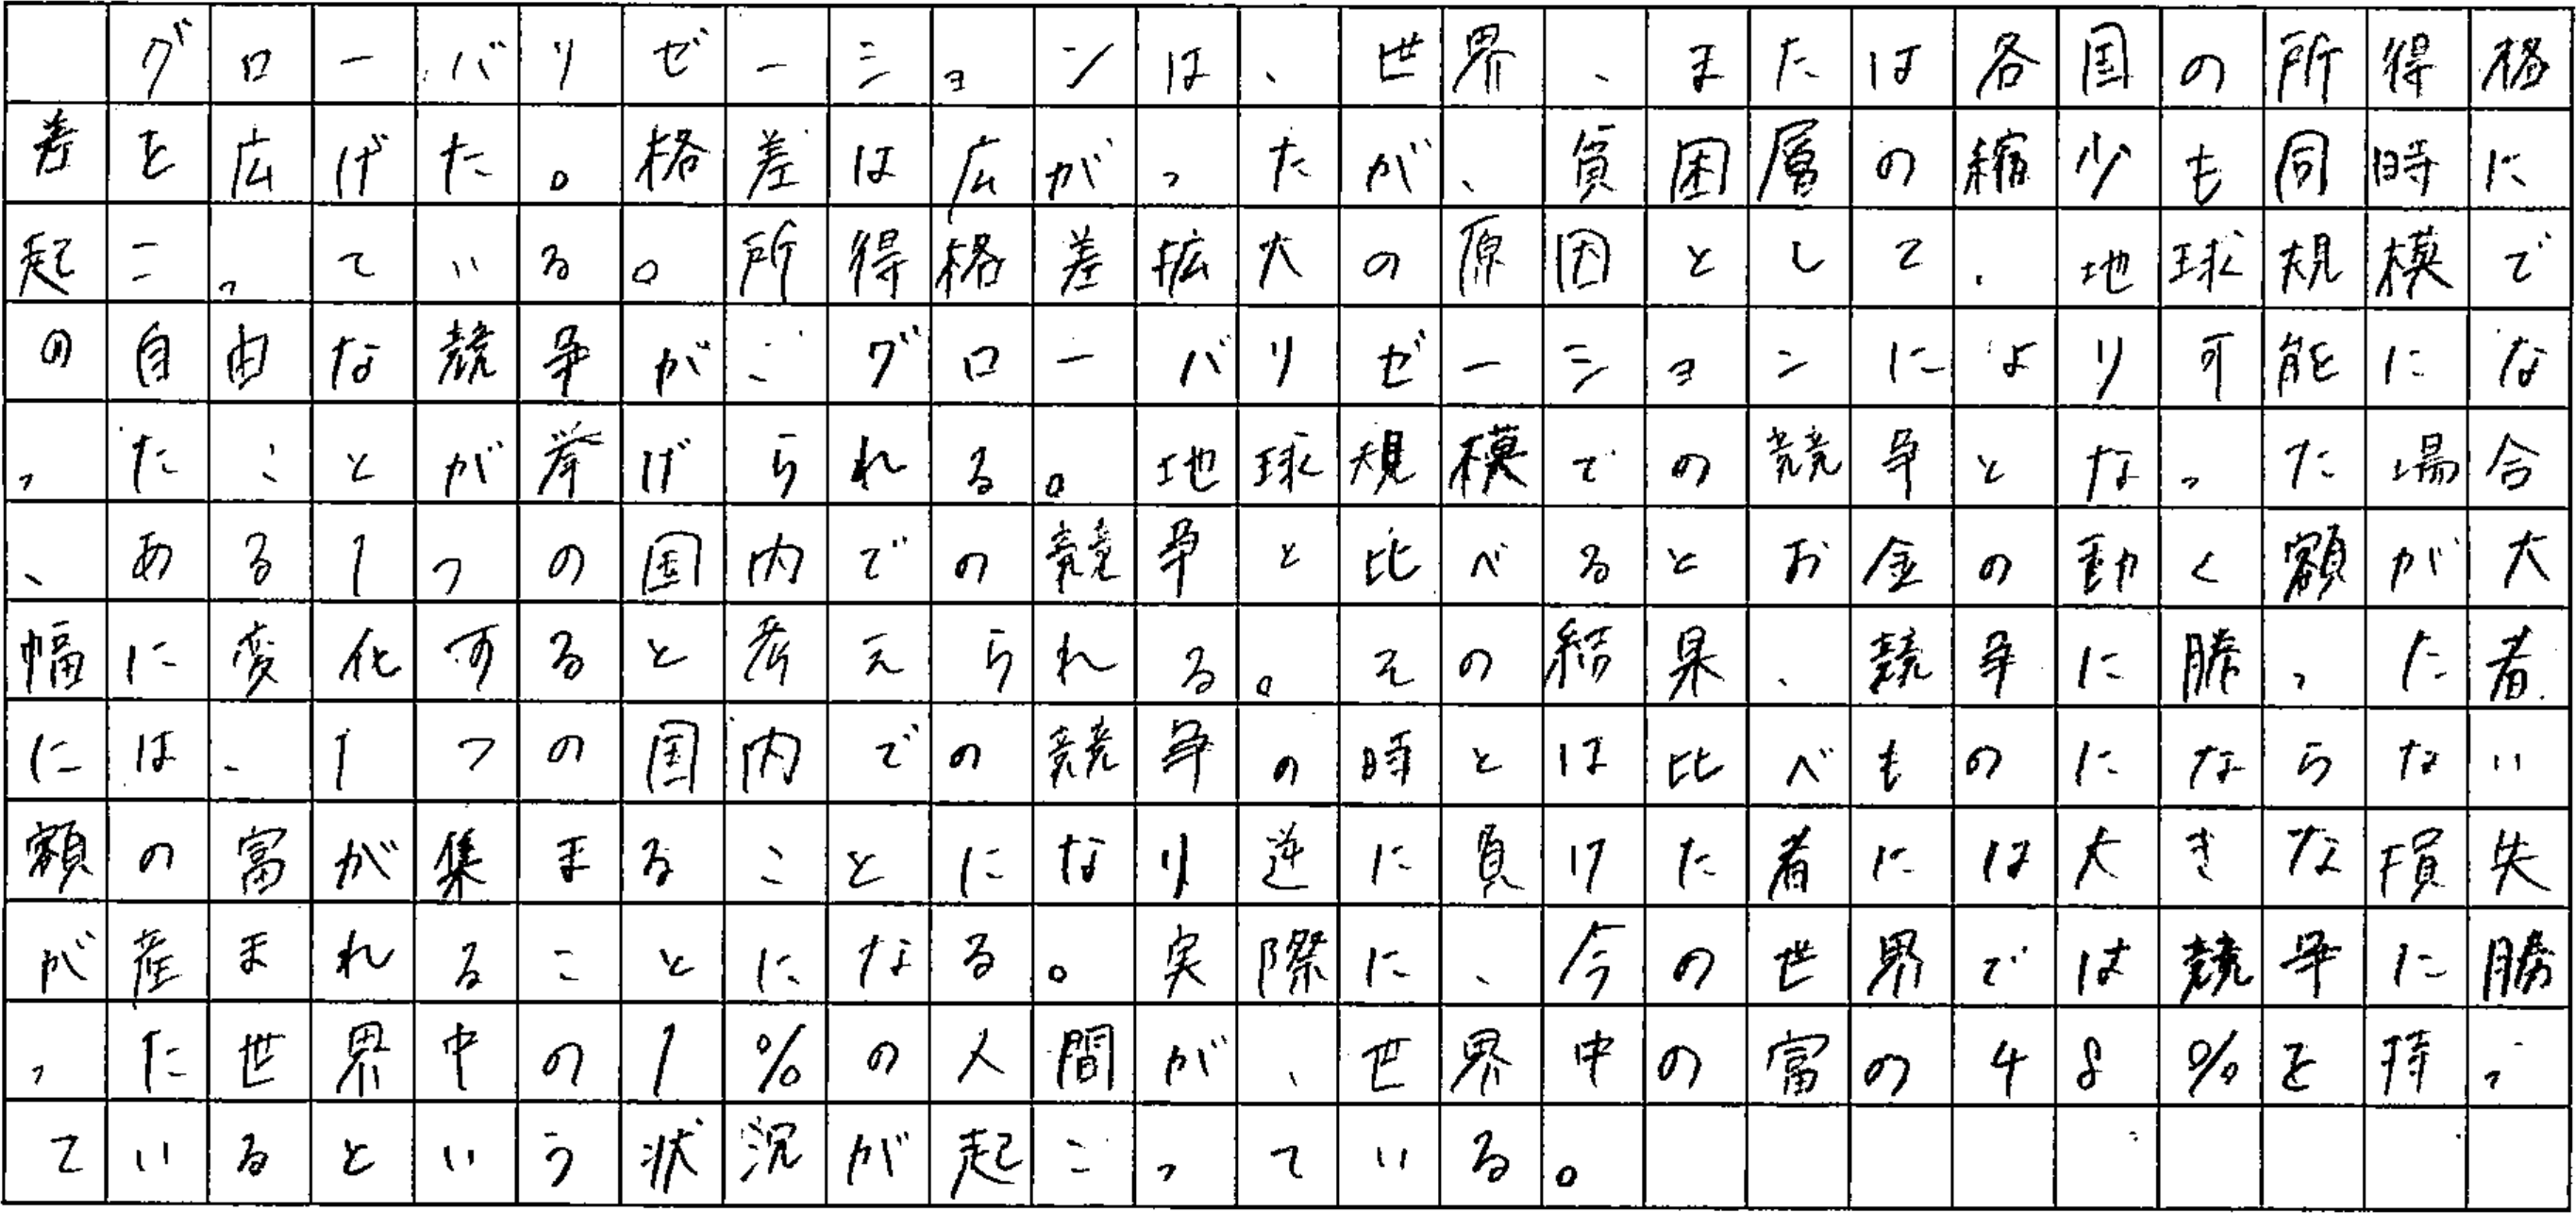　グローバリゼーションは、世界、または各国の所得格差を広げた。格差は広がったが、貧困層の縮少も同時に起こっている。所得格差拡大の原因として、地球規模での自由な競争が、グローバリゼーションにより可能になったことが挙げられる。地球規模での競争となった場合、ある１つの国内での競争と比べるとお金の動く額が大幅に変化すると考えられる。その結果、競争に勝った者には、１つの国内での競争の時とは比べものにならない額の富が集まることになり逆に負けた者には大きな損失が産まれることになる。実際に、今の世界では競争に勝った世界中の１％の人間が、世界の富の４８％を持っているという状況が起こっている。
